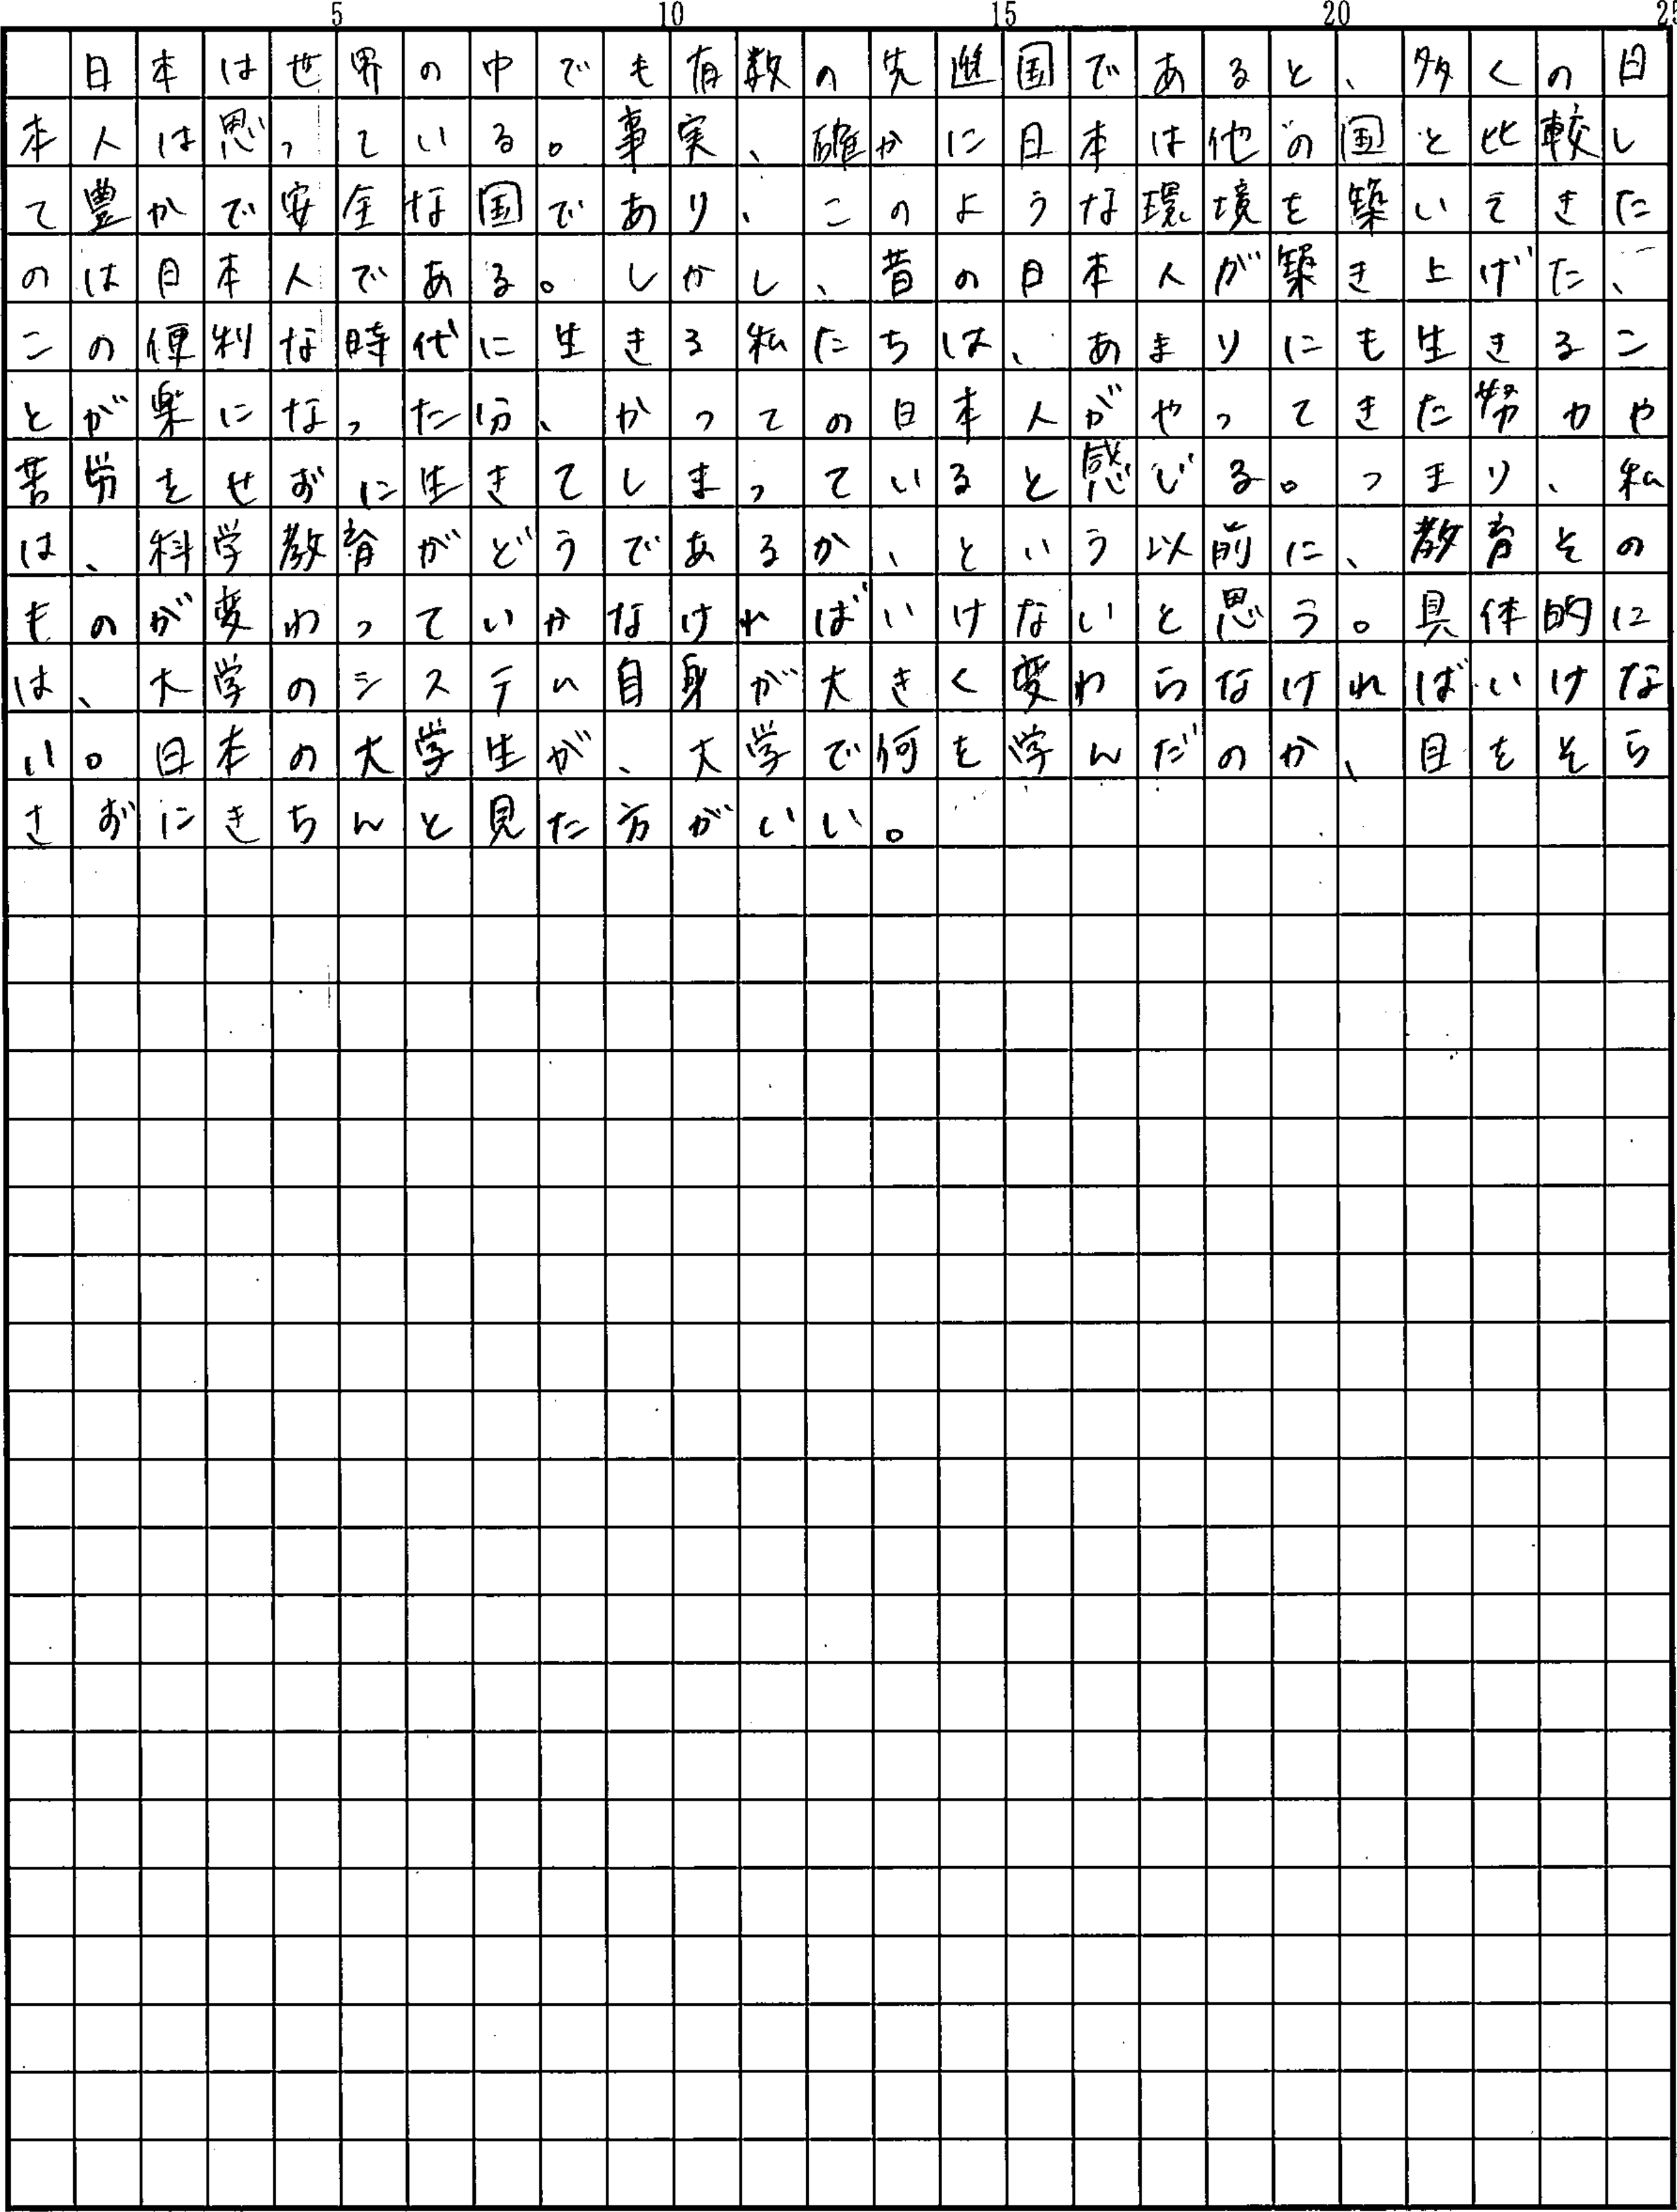　日本は世界の中でも有数の先進国であると、多くの日本人は思っている。事実、確かに日本は他の国と比較して豊かで安全な国であり、このような環境を築いてきたのは日本人である。しかし、昔の日本人が築き上げた、この便利な時代に生きる私たちは、あまりにも生きることが楽になった分、かつての日本人がやってきた努力や苦労をせずに生きてしまっていると感じる。つまり、私は、科学教育がどうであるか、という以前に、教育そのものが変わっていかなければいけないと思う。具体的には、大学のシステム自身が大きく変わらなければいけない。日本の大学生が、大学で何を学んだのか、目をそらさずにきちんと見た方がいい。
